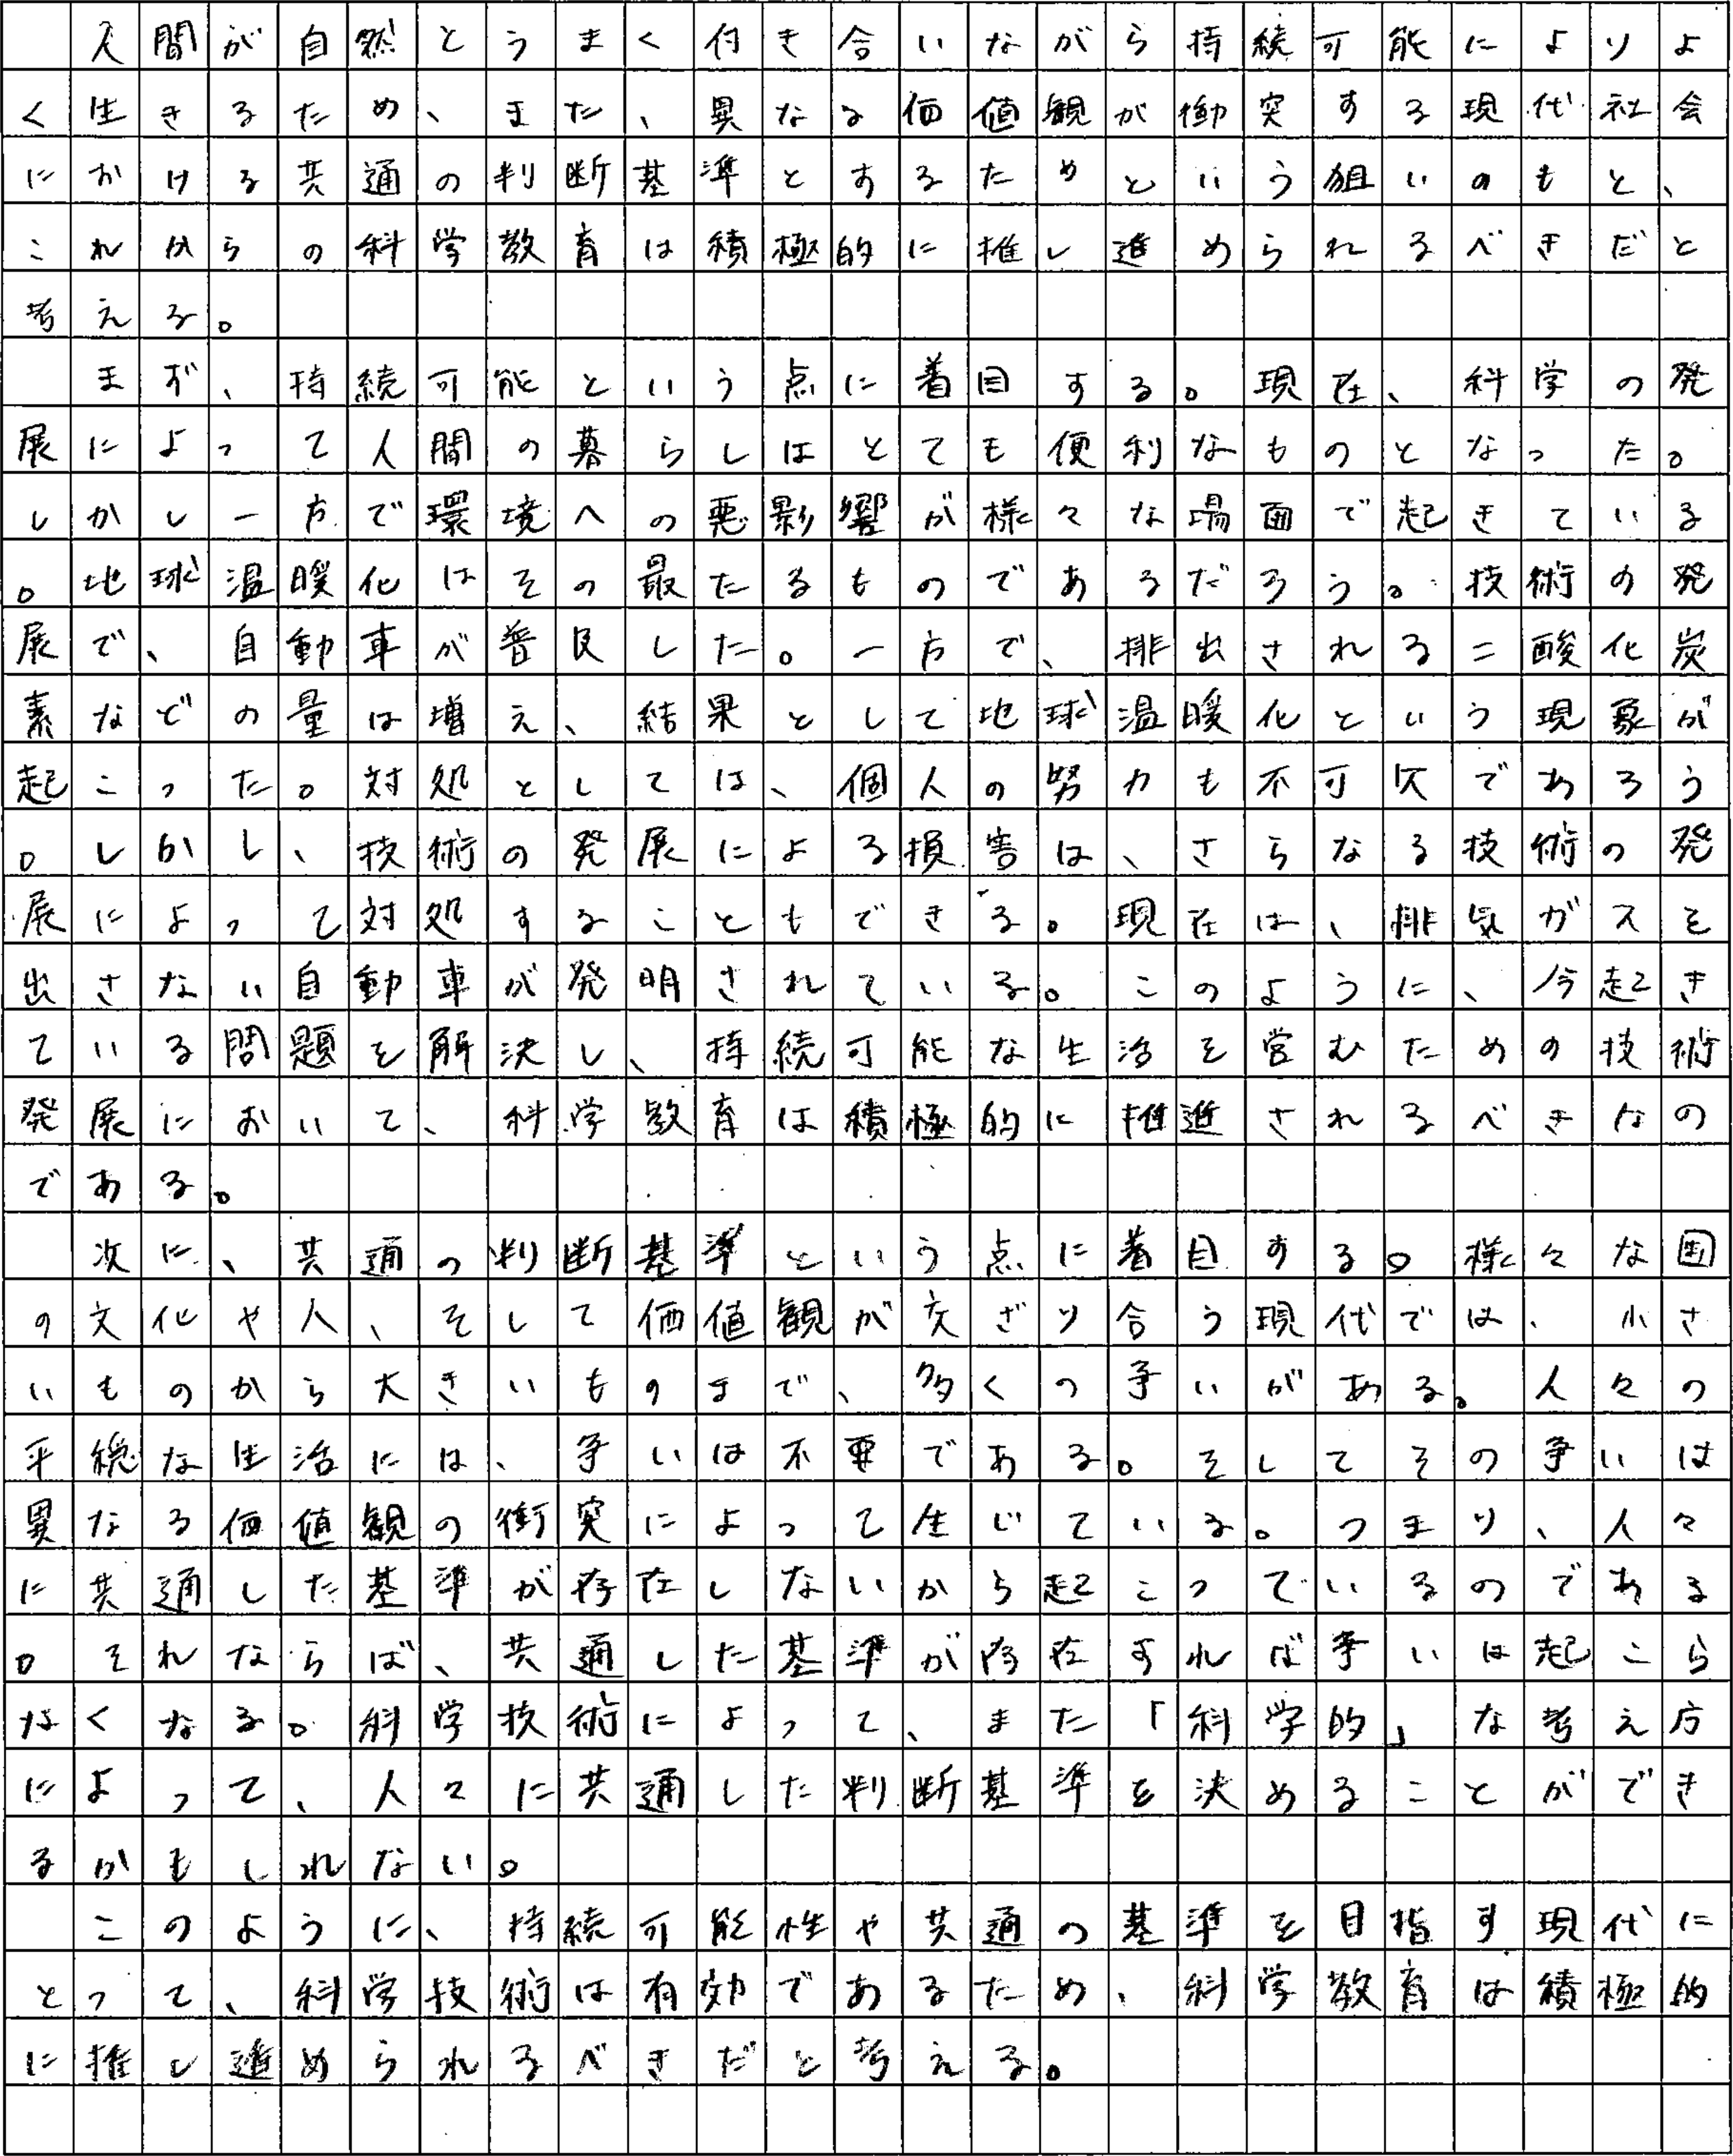　人間が自然とうまく付き合いながら持続可能によりよく生きるため、また、異なる価値観が衝突する現代社会における共通の判断基準とするためという狙いのもと、これからの科学教育は積極的に推し進められるべきだと考える。
　まず、持続可能という点に着目する。現在、科学の発展によって人間の暮らしはとても便利なものとなった。しかし一方で環境への悪影響が様々な場面で起きている。地球温暖化はその最たるものであるだろう。技術の発展で、自動車が普及した。一方で、排出される二酸化炭素などの量は増え、結果として地球温暖化という現象が起こった。対処としては、個人の努力も不可欠であろう。しかし、技術の発展による損害は、さらなる技術の発展によって対処することもできる。現在は、排気ガスを出さない自動車が発明されている。このように、今起きている問題を解決し、持続可能な生活を営むための技術発展において、科学教育は積極的に推進されるべきなのである。
　次に、共通の判断基準という点に着目する。様々な国の文化や人、そして価値観が交ざり合う現代では、小さいものから大きいものまで、多くの争いがある。人々の平穏な生活には、争いは不要である。そしてその争いは異なる価値観の衝突によって生じている。つまり、人々に共通した基準が存在しないから起こっているのである。それならば、共通した基準が存在すれば争いは起こらなくなる。科学技術によって、また「科学的」な考え方によって、人々に共通した判断基準を決めることができるかもしれない。
　このように、持続可能性や共通の基準を目指す現代にとって、科学技術は有効であるため、科学教育は積極的に推し進められるべきだと考える。
